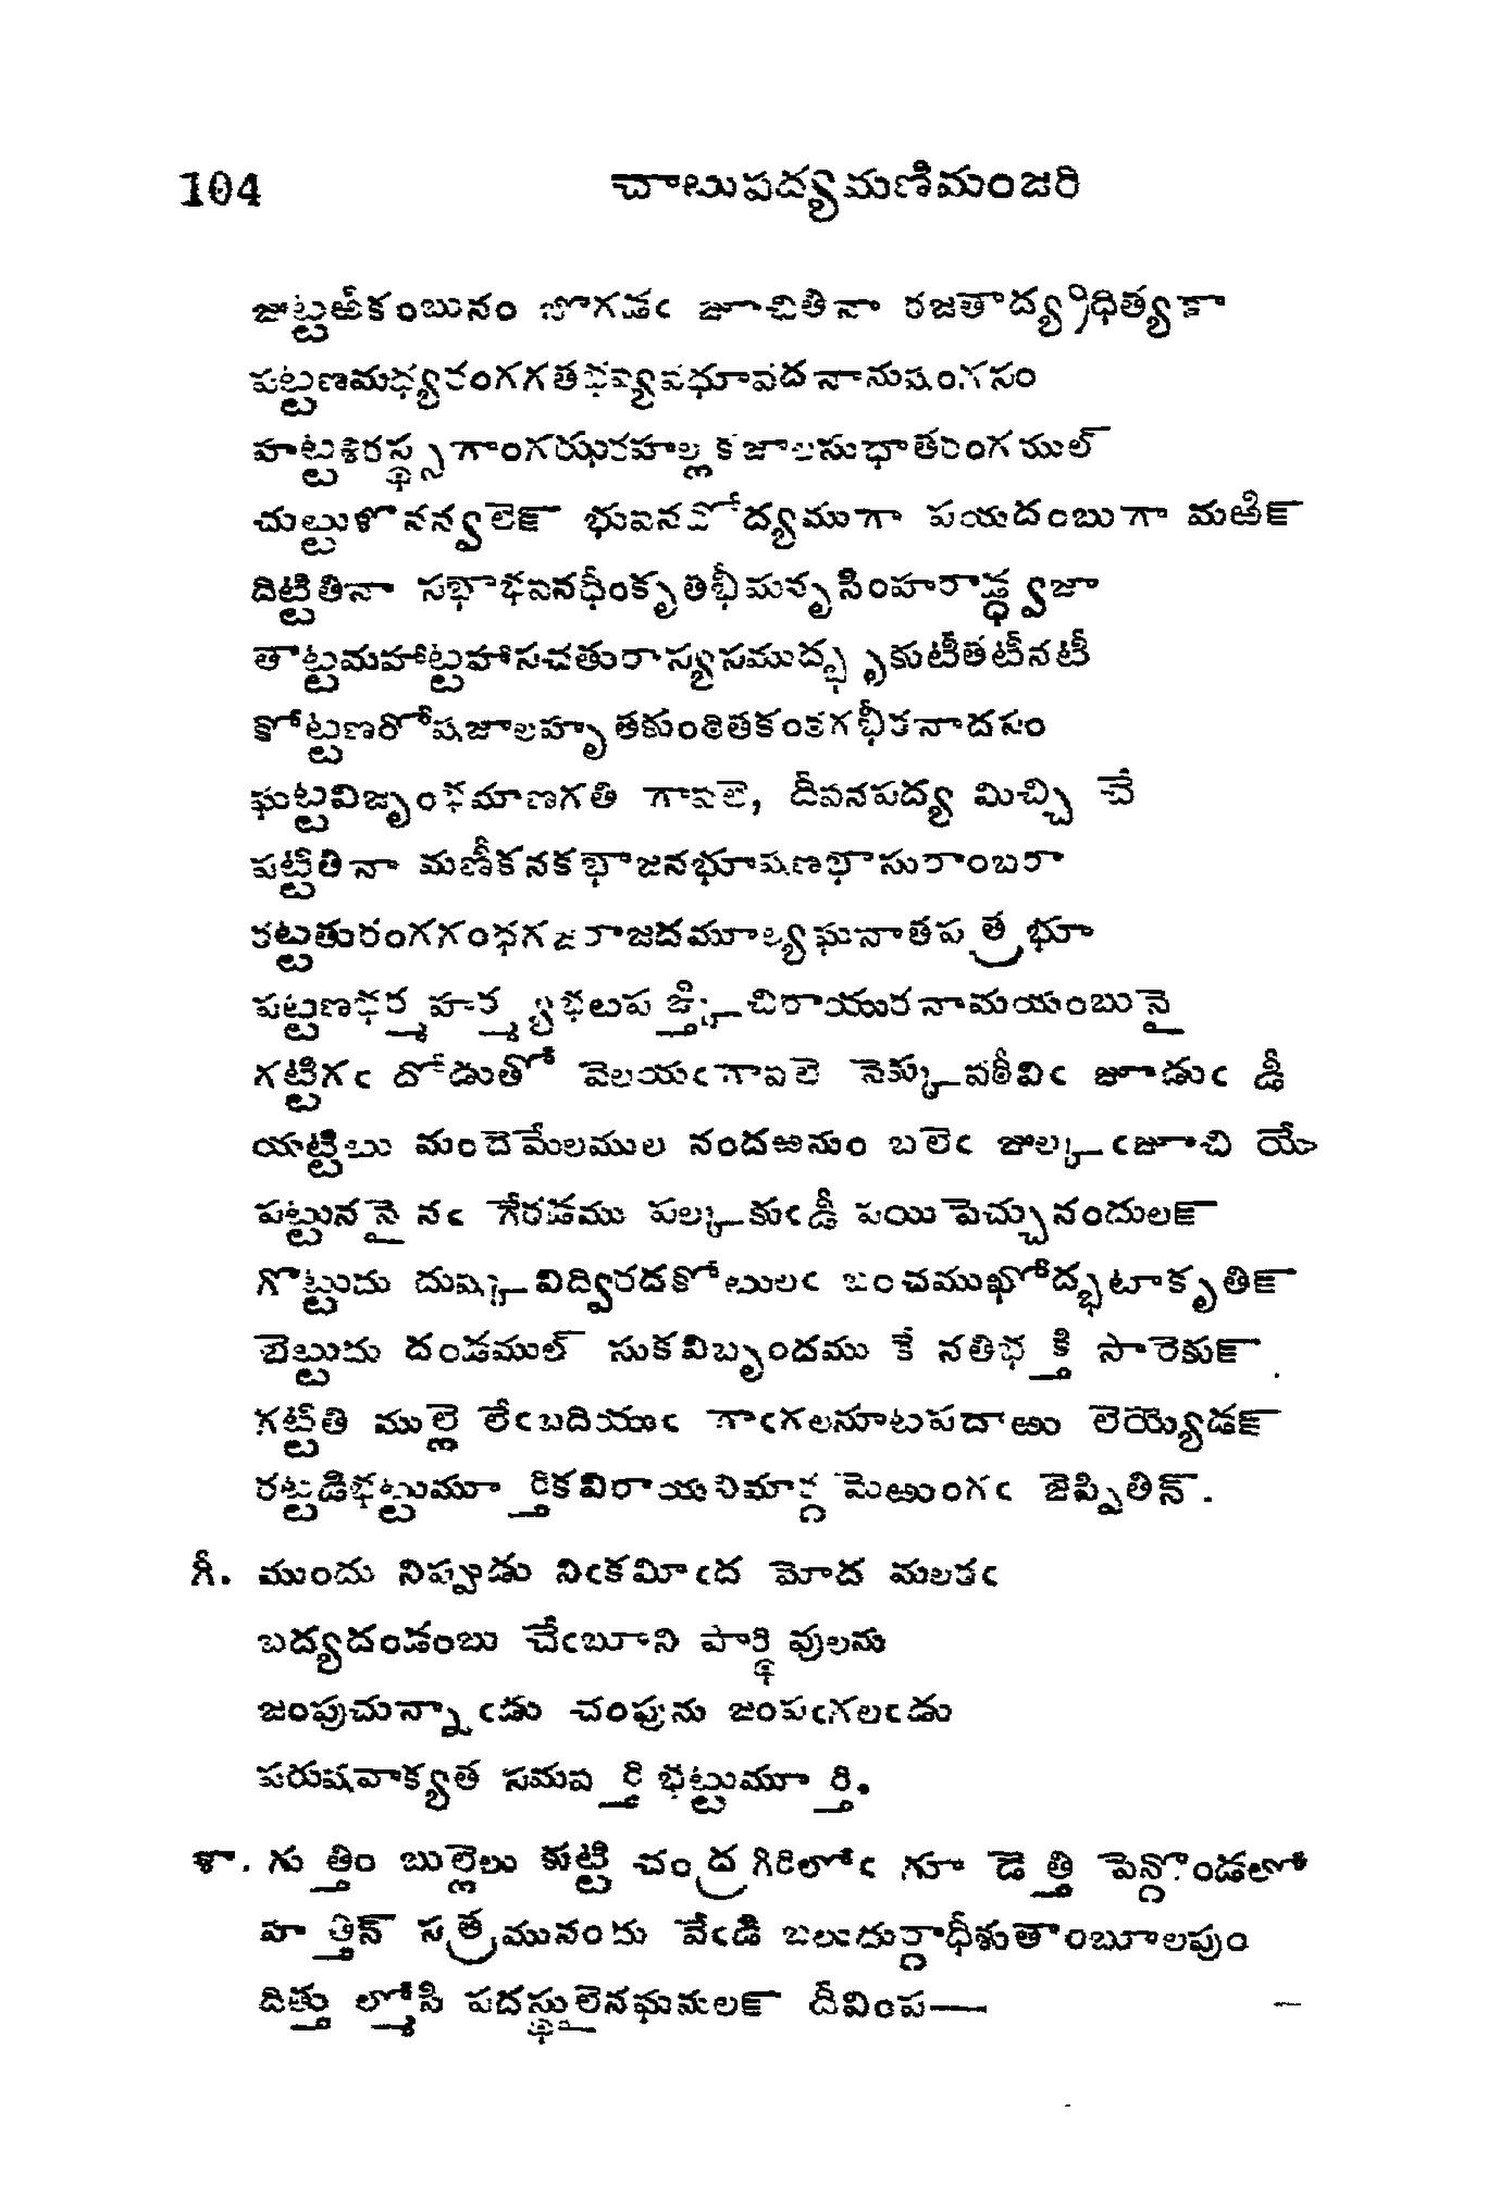జుట్టఱికంబునం బొగడఁ జూచితినా రజతాద్ర్యధిత్యకా
 పట్టణమధ్యరంగగతభవ్యవధూవదనానుషంగసం
 హట్టశిరస్స్థగాంగఝరహల్లకజాలసుధాతరంగముల్
 చుట్టుకొనన్వలెన్ భువనచోద్యముగా సయదంబుగా మఱిన్
 దిట్టితినా సభాభవనధీంకృతభీమనృసింహరాడ్ధ్వజా
 తాట్టమహాట్టహాసచతురాస్యసముద్భృకుటీతటీనటీ
 కోట్టణరోషడాలహృతకుంఠితకంఠగభీరనాదసం
 ఘట్టవిజృంభమాణగతి గావలె, దీవనపద్య మిచ్చి చే
 పట్టితినా మణీకనకభాజనభూషణభాసురాంబరా
 రట్టతురంగగంధగజరాజదమూల్యఘనాతపత్రభూ
 పట్టణభర్మహర్మ్యభటపఙ్క్తిచిరాయురనామయంబునై
 గట్టిగఁ దోడుతో వెలయఁగావలె నెక్కువఠీవిఁ జూడుఁ డీ
 యట్టిటు మందెమేలముల నందరనుం బలెఁ జుల్కఁజూచి యే
 పట్టుననైనఁ గేరడము పల్కకుఁడీ పయిపెచ్చునందులన్
 గొట్టుద దుష్కవిద్విరదకోటులఁ బంటముఖోద్భటాకృతిన్
 బెట్టుదు దండముల్ సుకవిబృందము కే నతిభక్తి సారెకున్
 గట్టితి ముల్లె లేఁబదియుఁ గాఁగలనూటపదాఱు లెయ్యెడన్
 రట్టడి భట్టుమూర్తికవిరాయనిమార్గ మెఱుంగఁ జెప్పితిన్.
గీ. ముందు నిప్పుడు నిఁకమీఁద మోద మలరఁ
 బద్యదండంబు చేఁబూని పార్థివులను
 జంపుచున్నాఁడు చంపును జంపఁగలఁడు
 పరుషవాక్యత సమవర్తి భట్టుమూర్తి.
శా. గుత్తిం బుల్లెలు కుట్టి చంద్రగిరిలోఁ గూ డెత్తి పెన్గొండలో
 హత్తిన్ సత్రమునందు వేఁడి బలుదుర్గాధీశుతాంబూలపుం
 దిత్తు ల్మోసి పదస్థులైన ఘనులన్ దీవింప—